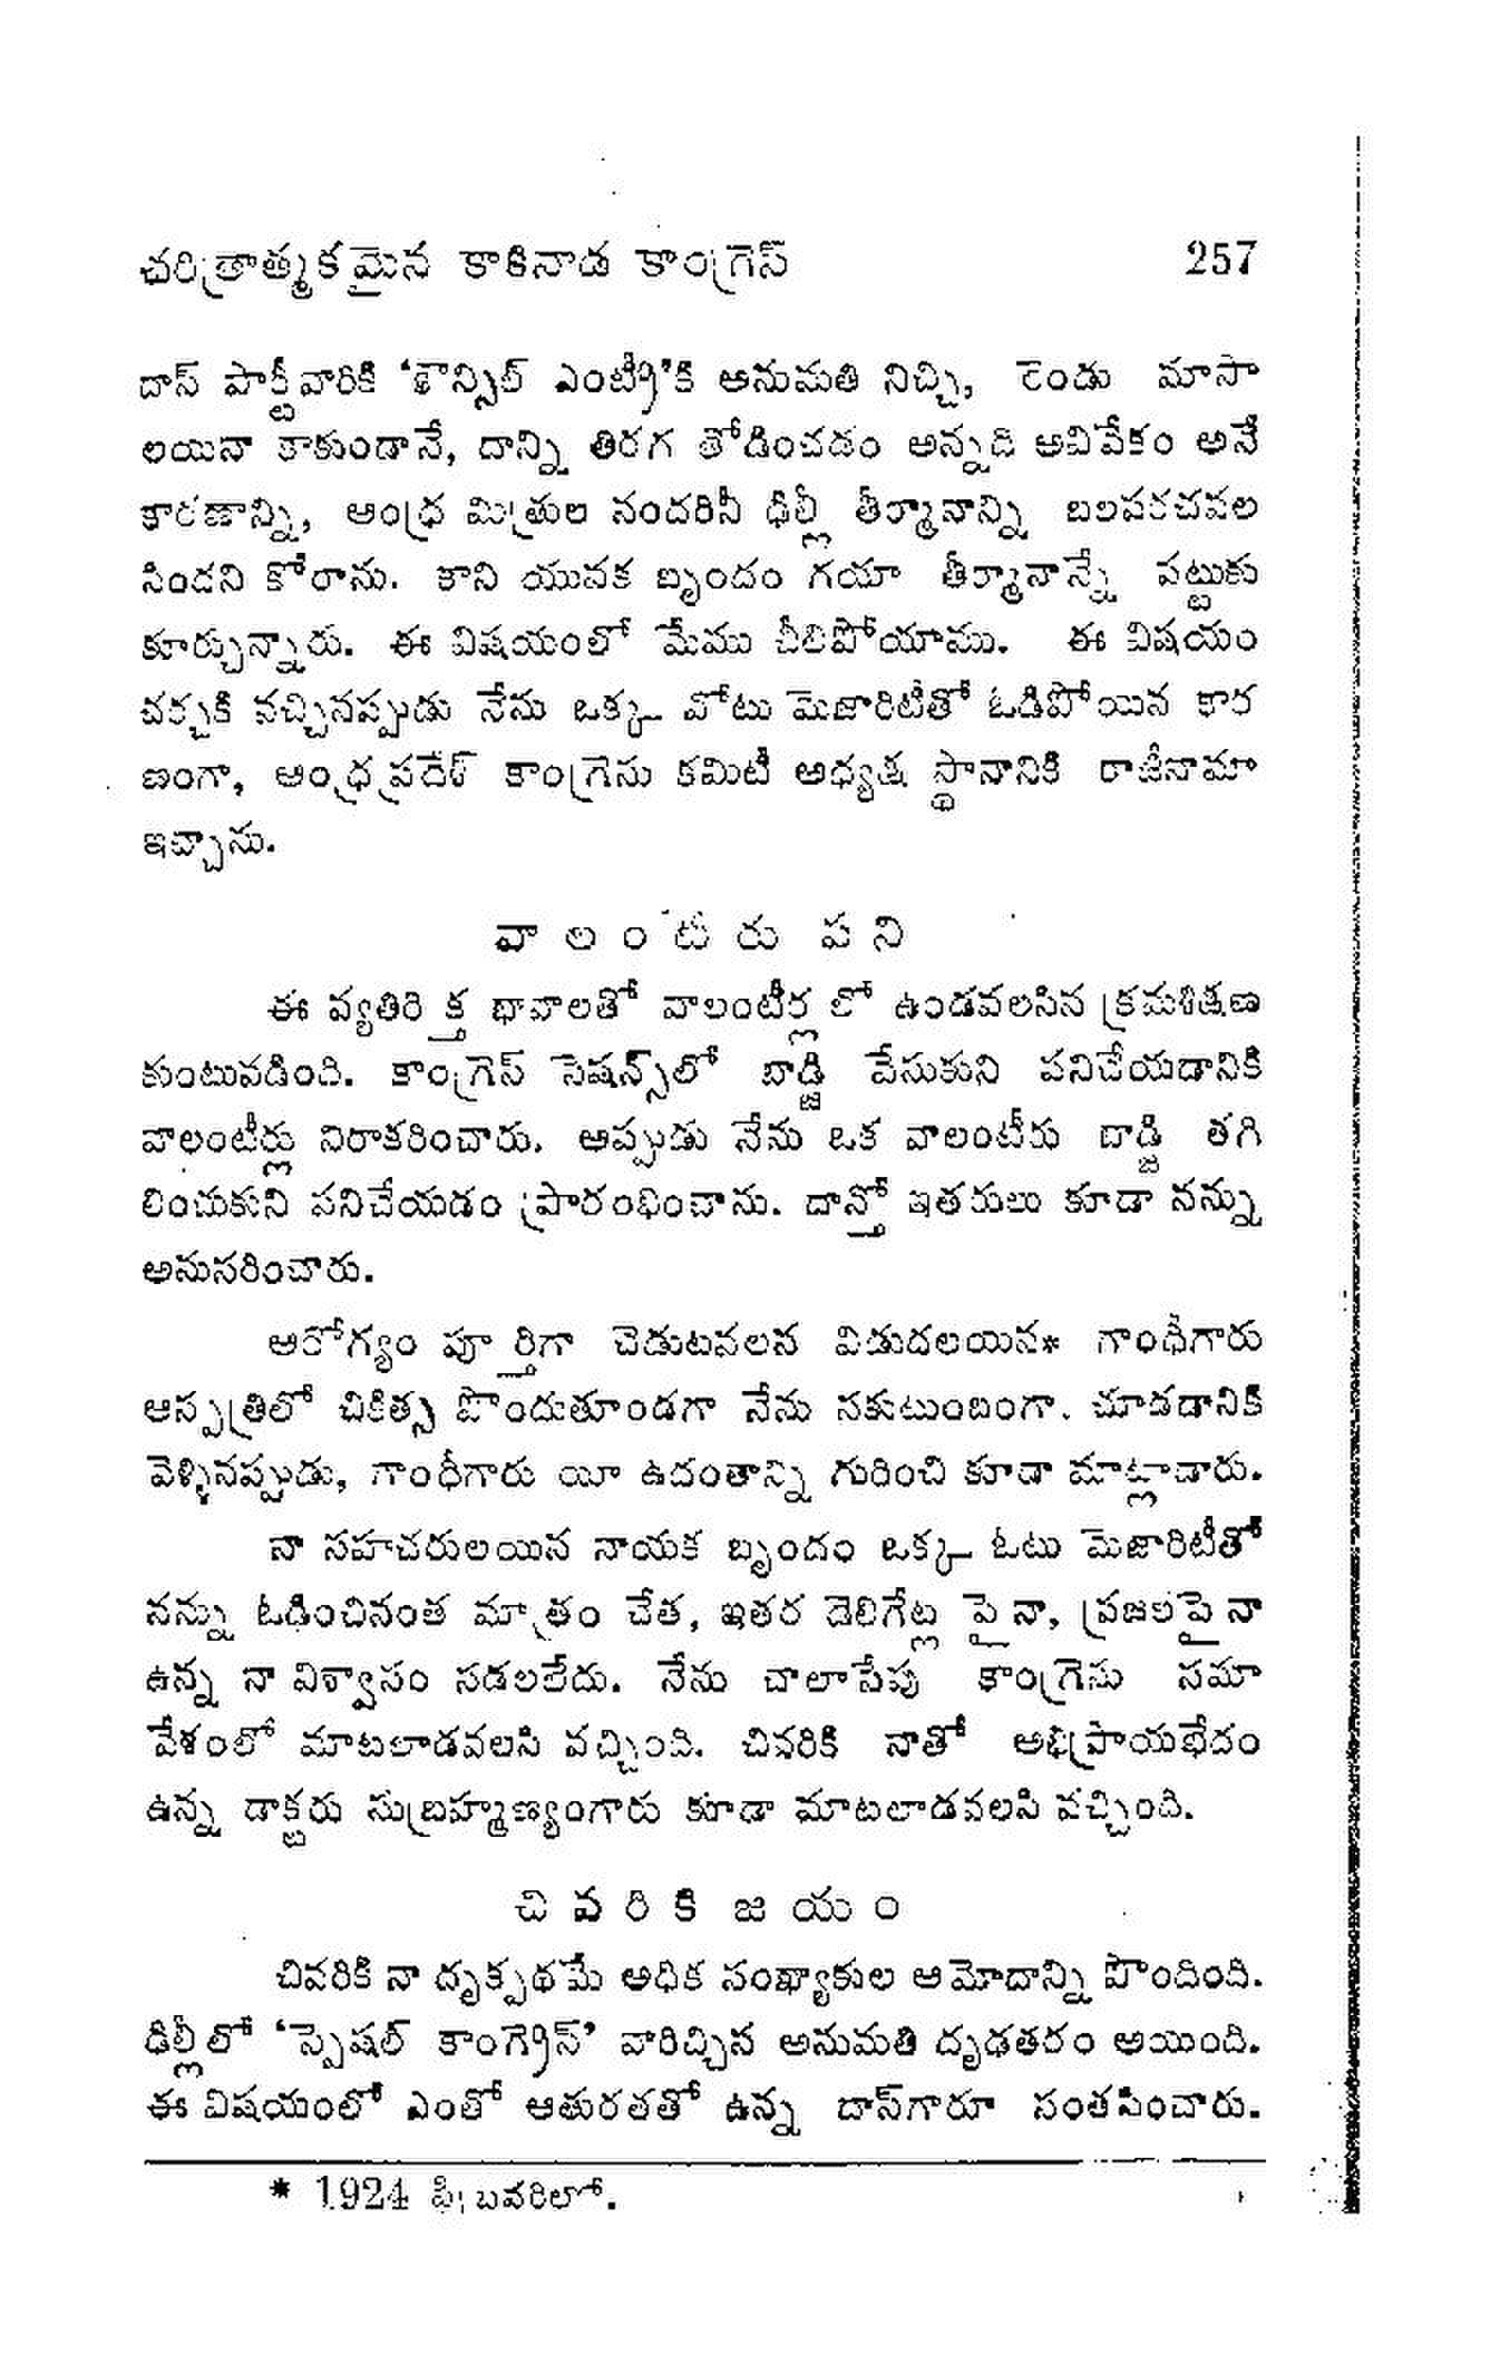దాస్ పార్టీవారికి "కౌన్సిల్ ఎంట్రీ"కి అనుమతి నిచ్చి, రెండు మాసాలయినా కాకుండానే, దాన్ని తిరగ తోడించడం అన్నది అవివేకం అనే కారణాన్ని, ఆంధ్ర మిత్రుల నందరినీ డిల్లీ తీర్మానాన్ని బలపరచ వలసిందని కోరాను. కాని యువక బృందం గయా తీర్మానాన్నే పట్టుకు కూర్చున్నారు. ఈ విషయంలో మేము చీలిపోయాము. ఈ విషయం చర్చకి వచ్చినప్పుడు నేను ఒక్క వోటు మెజారిటీతో ఓడిపోయిన కారణంగా, ఆంధ్రప్రదేశ్ కాంగ్రెసు కమిటీ అధ్యక్ష స్థానానికి రాజీనామా ఇచ్చాను.

ఈ వ్యతిరిక్త భావాలతో వాలంటీర్లలో ఉండవలసిన క్రమశిక్షణ కుంటుపడింది. కాంగ్రెస్ సెషన్స్‌లో బాడ్జి వేసుకుని పనిచేయడానికి వాలంటీర్లు నిరాకరించారు. అప్పుడు నేను ఒక వాలంటీరు బాడ్జి తగిలించుకుని పనిచేయడం ప్రారంభించాను. దాన్తో ఇతరులు కూడా నన్ను అనుసరించారు.

ఆరోగ్యం పూర్తిగా చెడుటవలన విడుదలయిన గాంధీగారు ఆస్పత్రిలో చికిత్స పొందుతూండగా నేను సకుటుంబంగా చూడడానికి వెళ్ళినప్పుడు, గాంధీగారు యీ ఉదంతాన్ని గురించి కూడా మాట్లాడారు.

నా సహచరులయిన నాయక బృందం ఒక్క ఓటు మెజారిటీతో నన్ను ఓడించినంత మాత్రం చేత, ఇతర డెలిగేట్ల పైనా, ప్రజలపైనా ఉన్న నా విశ్వాసం సడలలేదు. నేను చాలాసేపు కాంగ్రెసు సమావేశంలో మాటలాడవలసి వచ్చింది. చివరికి నాతో అభిప్రాయభేదం ఉన్న డాక్టరు సుబ్రహ్మణ్యంగారు కూడా మాటలాడవలసి వచ్చింది

చివరికి నా దృక్పథమే అధిక సంఖ్యాకుల ఆమోదాన్ని పొందింది. డిల్లీలో "స్పెషల్ కాంగ్రెస్" వారిచ్చిన అనుమతి దృఢతరం అయింది. ఈ విషయంలో ఎంతో ఆతురతతో ఉన్న దాస్‌గారూ సంతసించారు.